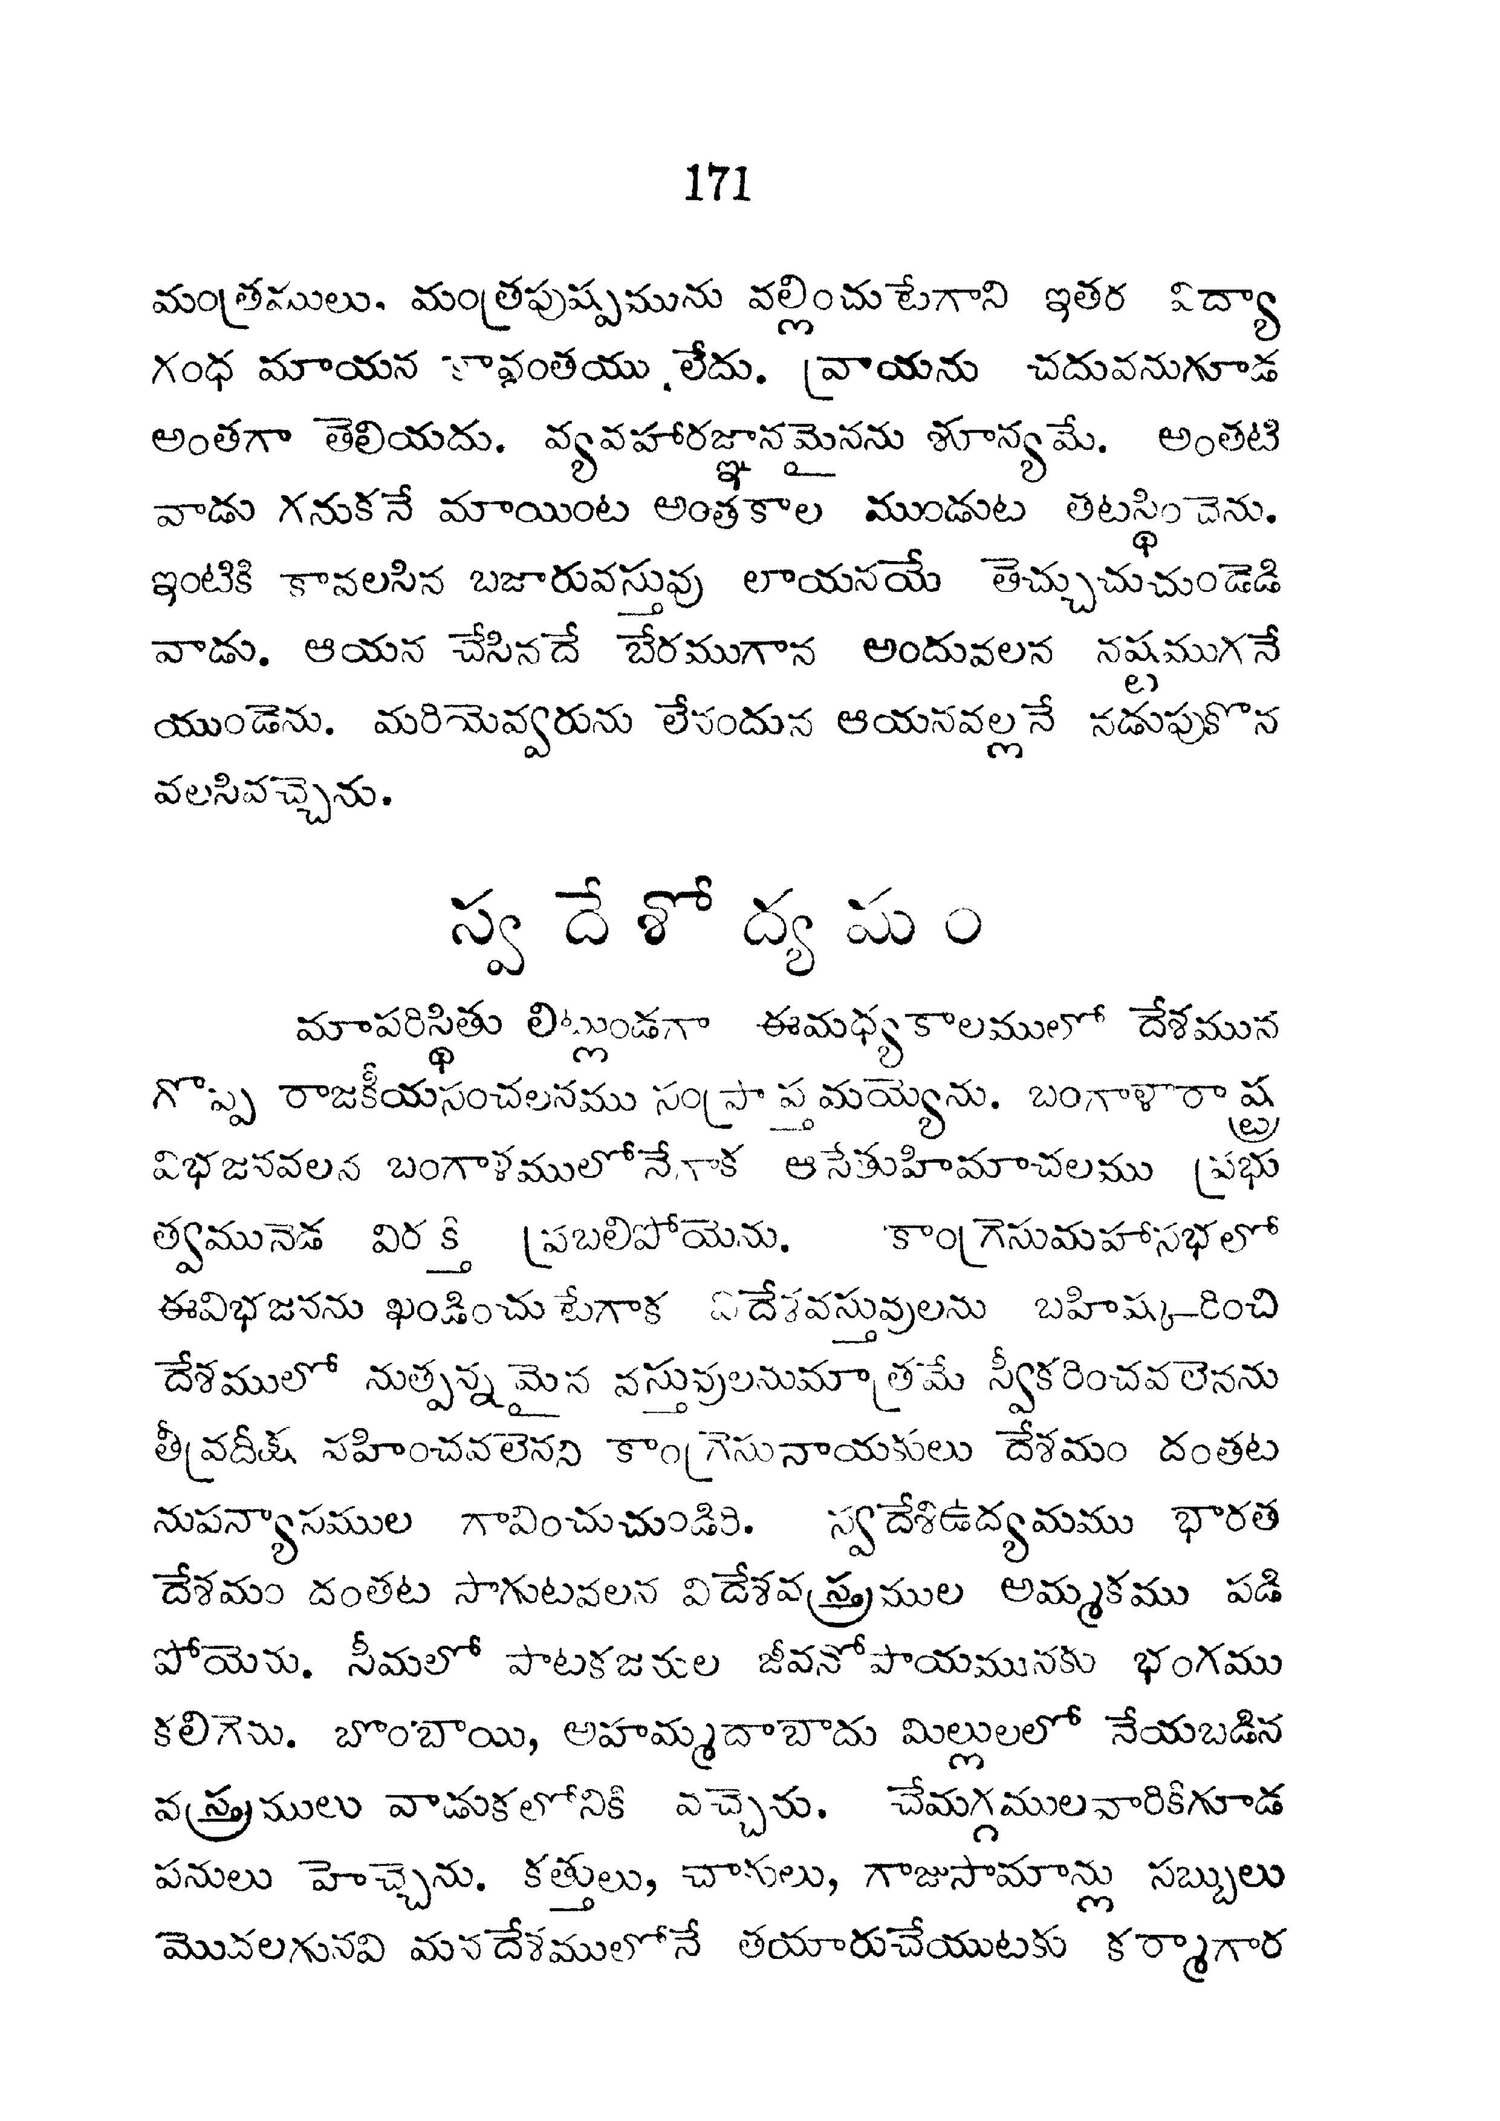మంత్రములు, మంత్రపుష్పమును వల్లించుటేగాని ఇతర విద్యాగంధ మాయన కావంతయు లేదు. వ్రాయను చదువనుగూడ అంతగా తెలియదు. వ్యవహారజ్ఞానమైనను శూన్యమే. అంతటివాడు గనుకనే మాయింట అంతకాల ముండుట తటస్థించెను. ఇంటికి కావలసిన బజారువస్తువు లాయనయే తెచ్చుచు చుండెడివాడు. ఆయన చేసినదే బేరముగాన అందువలన నష్టముగనే యుండెను. మరియెవ్వరును లేనందున ఆయనవల్లనే నడుపుకొన వలసివచ్చెను.

మాపరిస్థితు లిట్లుండగా ఈమధ్యకాలములో దేశమున గొప్ప రాజకీయసంచలనము సంప్రాప్తమయ్యెను. బంగాళారాష్ట్ర విభజనవలన బంగాళములోనేగాక ఆసేతుహిమాచలము ప్రభుత్వమునెడ విరక్తి ప్రబలిపోయెను. కాంగ్రెసుమహాసభలో ఈవిభజనను ఖండించుటేగాక విదేశవస్తువులను బహిష్కరించి దేశములో నుత్పన్నమైన వస్తువులనేమాత్రమే స్వీకరించవలెనను తీవ్రదీక్ష వహించవలెనని కాంగ్రెసునాయకులు దేశమం దంతట నుపన్యాసముల గావించుచుండిరి. స్వదేశిఉద్యమము భారతదేశమం దంతట సాగుటవలన విదేశవస్త్రముల అమ్మకము పడిపోయెను. సీమలో పాటకజనుల జీవనోపాయమునకు భంగము కలిగెను. బొంబాయి, అహమ్మదాబాదు మిల్లులలో నేయబడిన వస్త్రములు వాడుకలోనికి వచ్చెను. చేమగ్గములవారికిగూడ పనులు హెచ్చెను. కత్తులు, చాకులు, గాజుసామాన్లు సబ్బులు మొదలగునవి మనదేశములోనే తయారుచేయుటకు కర్మాగార